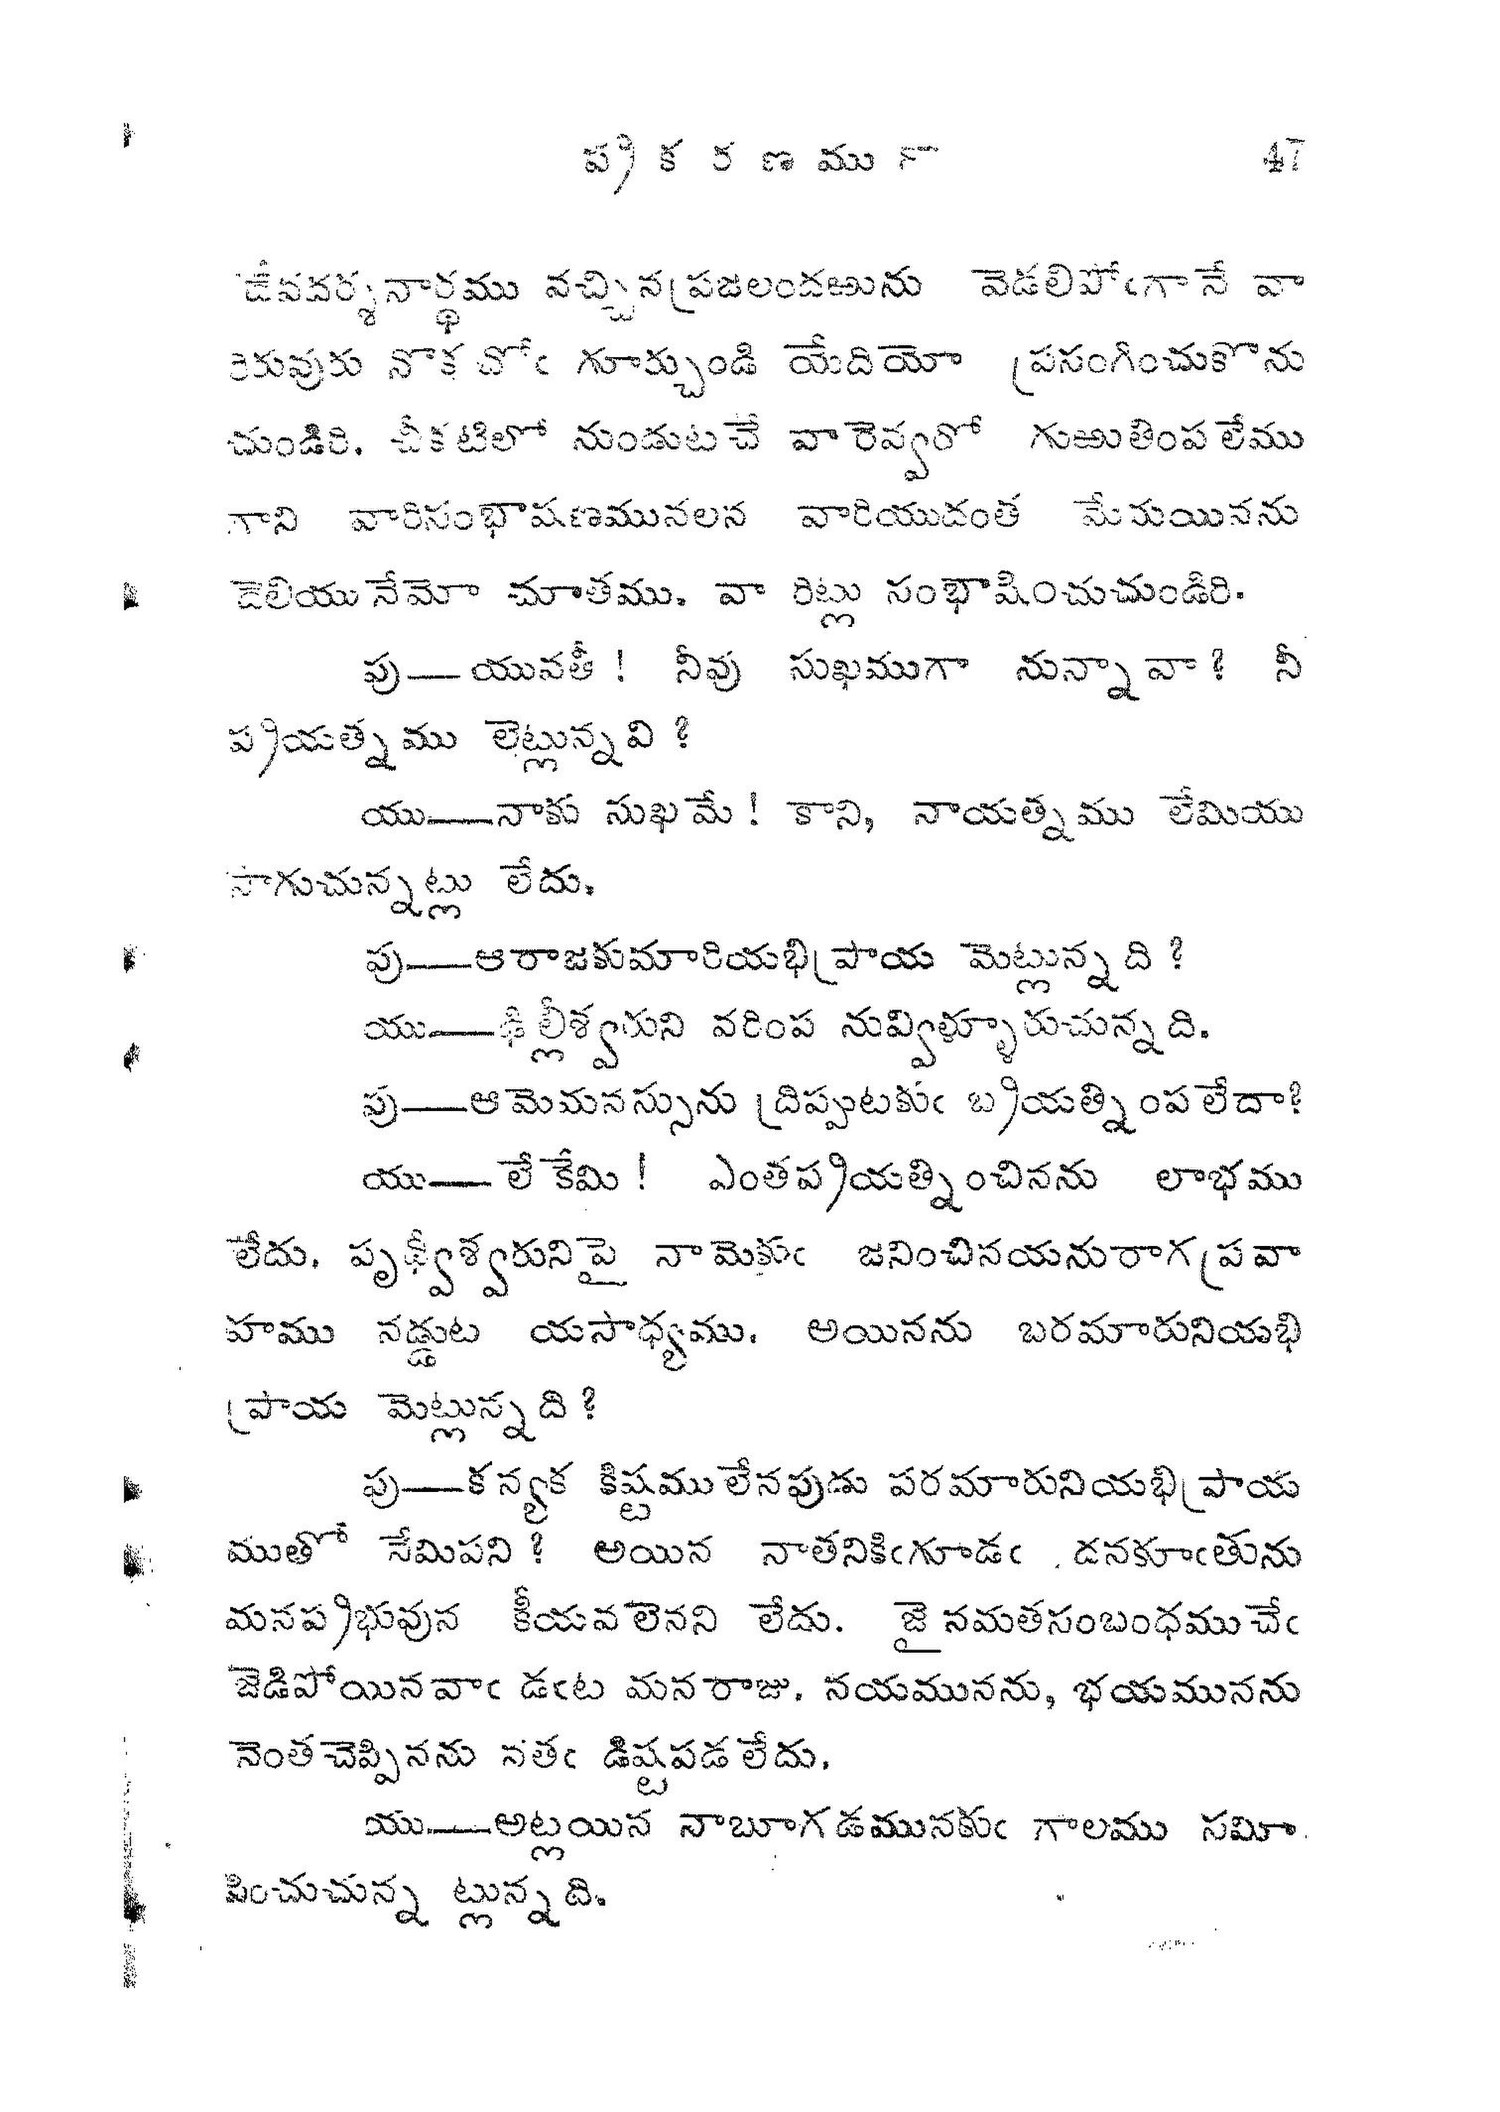దేవదర్శనార్థము వచ్చిన ప్రజలందఱును వెడలిపోఁగానే వా రిరువుకు నొక చోట గూర్చుండి యేదియో ప్రసంగించుకొను చుండిరి. చీకటిలో నుండుటచే వారెవ్వరో గుఱుతింప లేము గాని వారి సంభాషణమునలన వారియుదంత మేముయినను దెలియు నేమో చూతము. వా రేట్లు సంభాషించుచుండిరి .

పు- యువతీ ! నీవు సుఖముగా నున్నావా ! నీ ప్రయత్నము లెట్లున్నవి ?

యు. నాకు సుఖమే ! కాని, నాయత్నము లేమియు సాగుచున్నట్లు లేదు,

పు--ఆ రాజకుమారియభిప్రాయ 'మెట్లున్నది ?

యు— డిల్లీశ్వరుని వరింప నువ్విళ్ళూరుచున్నది.

పు. ఆమెమనస్సును ద్రిప్పుటకుఁ బ్రయత్నింప లేదా?

యు. లేకేమి ! ఎంతప్రయత్నించినను లాభము లేదు, పృద్వీశ్వరుని పై నా మెకు జనించినయనురాగ ప్రవా హము నుట యసాధ్యము. అయినను బరమారునియభి ప్రాయ మెట్లున్నది?

పు— కన్యక కిష్టము లేనపుడు పరమారునియభిప్రాయ ముతో నేమిపని? అయిన నాతనికిఁగూడఁ దనకూఁతును మన ప్రభువున కీయ వలెనని లేదు. జైనమతసంబంధము చేఁ జెడిపోయిన వాఁడఁట మన రాజు. నయమునను, భయమునను నెంత చెప్పినను నతఁ డిష్టపడ లేదు.

యు... అట్లయిన నాబూగడమునకుఁ గాలము సమీ సించుచున్న ట్లున్నది.